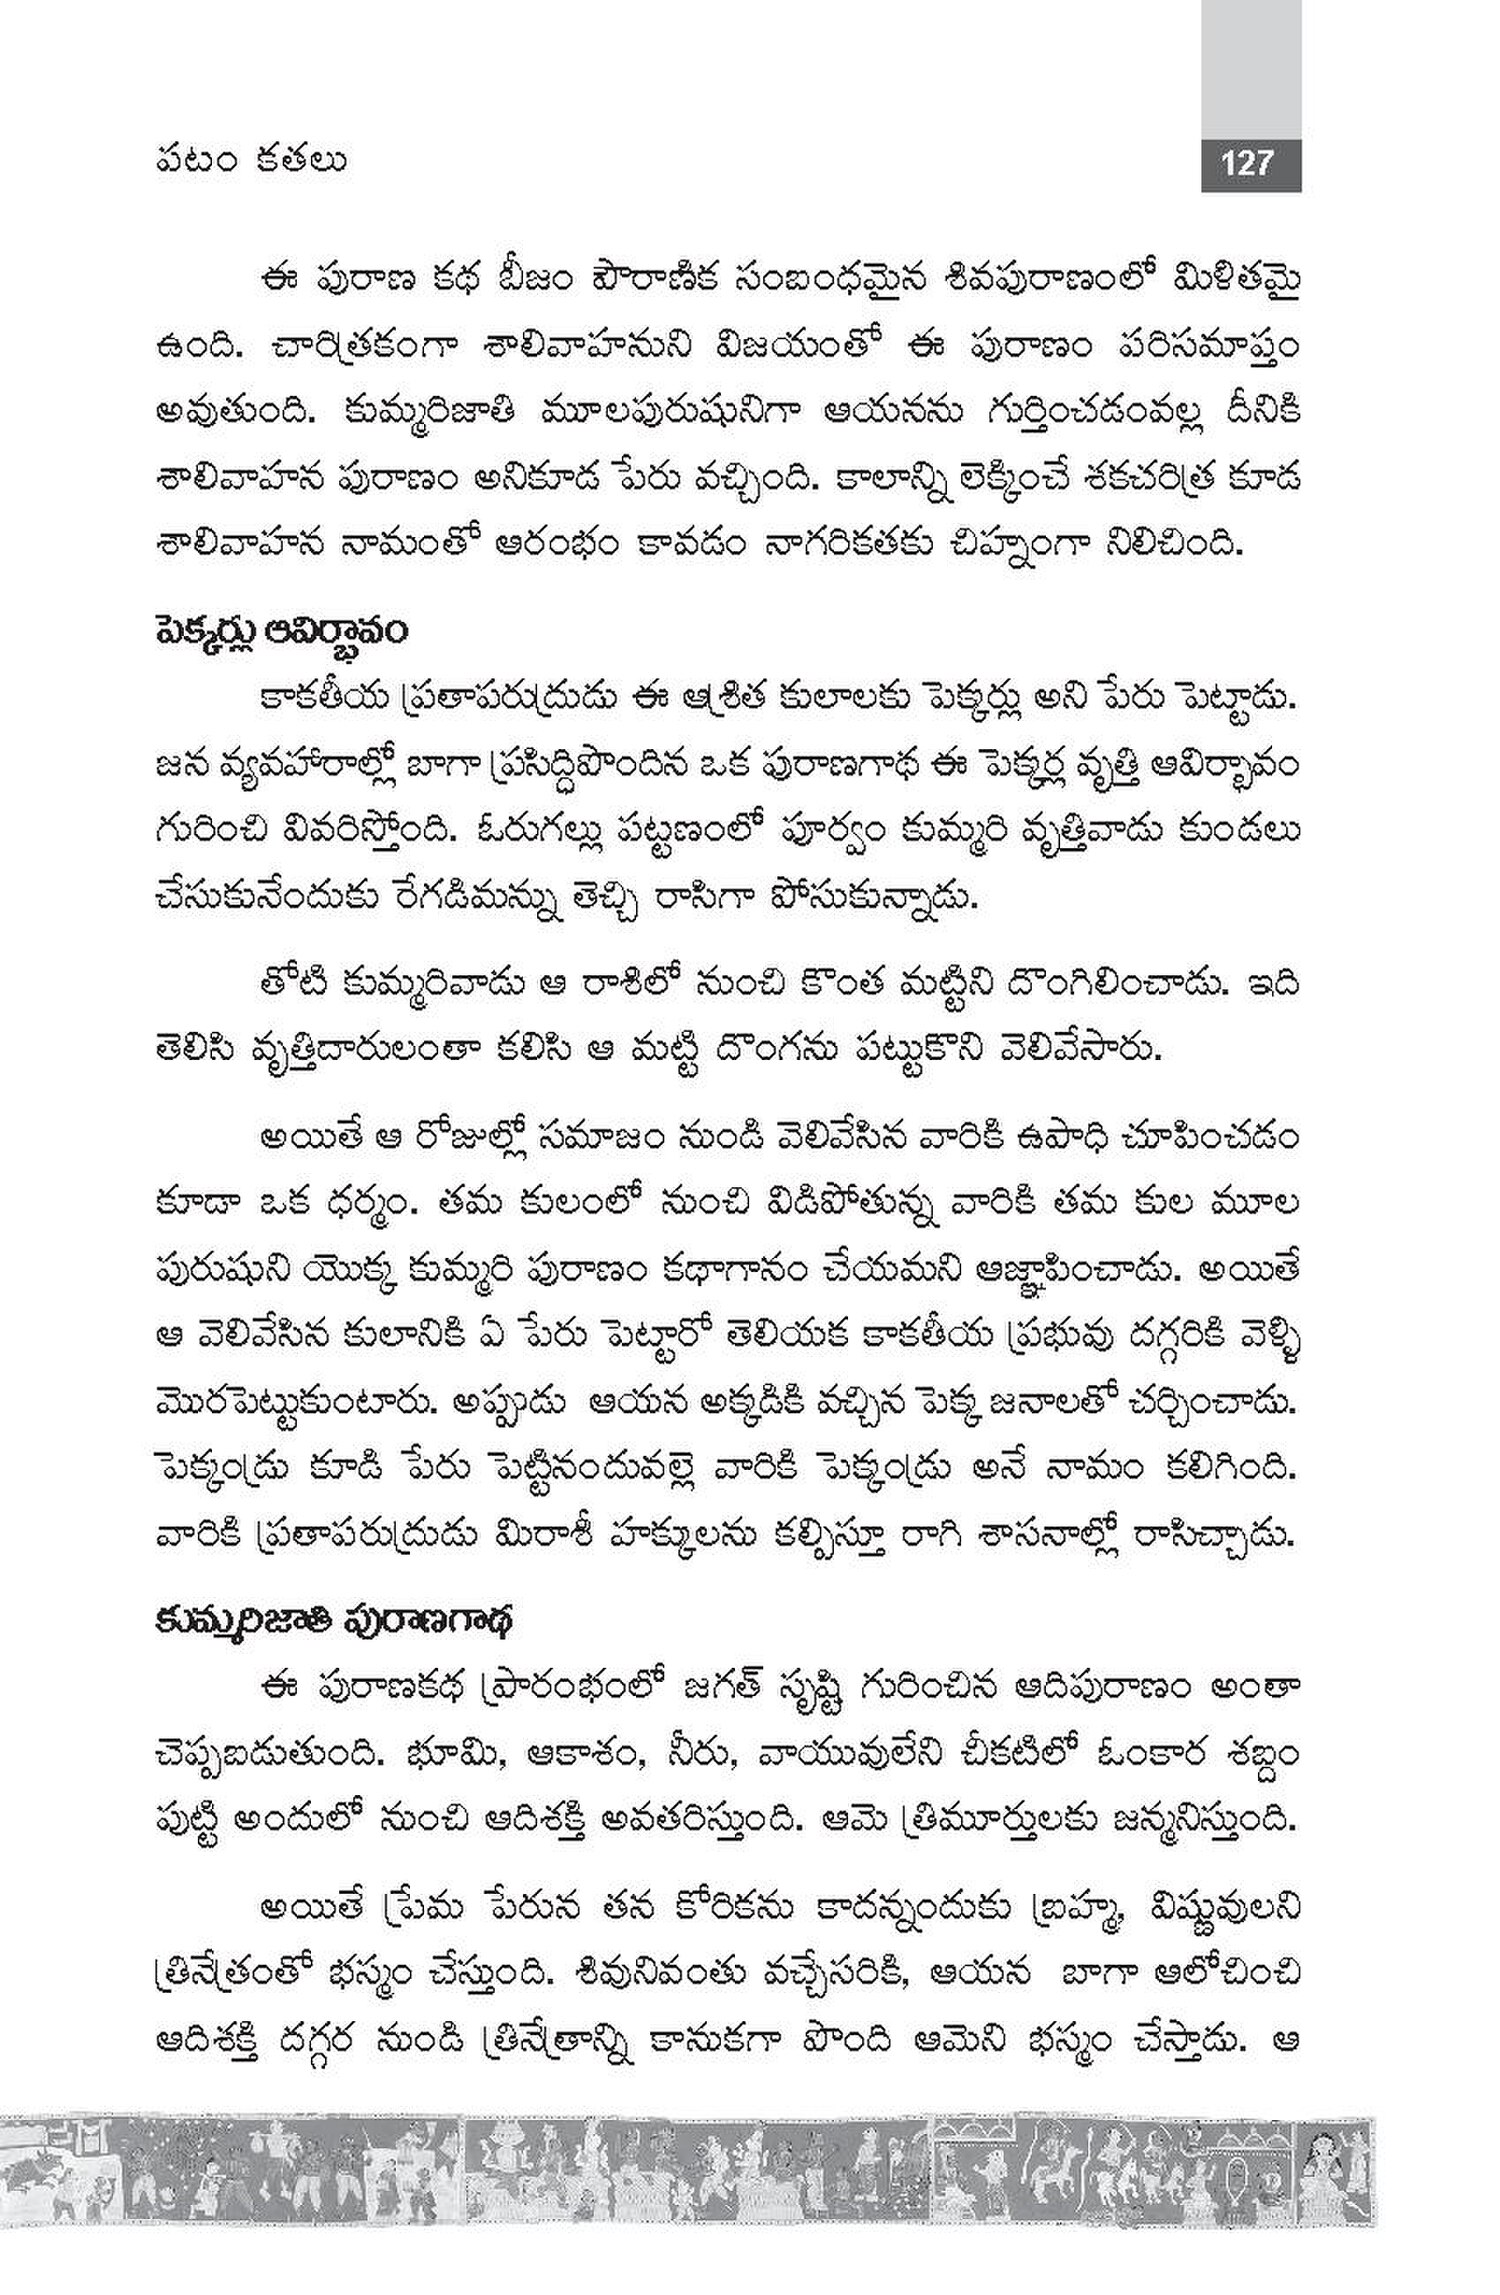ఈ పురాణ కథ బీజం పౌరాణిక సంబంధమైన శివపురాణంలో మిళితమై ఉంది. చారిత్రకంగా శాలివాహనుని విజయంతో ఈ పురాణం పరిసమాప్తం అవుతుంది. కుమ్మరిజాతి మూలపురుషునిగా ఆయనను గుర్తించడంవల్ల దీనికి శాలివాహన పురాణం అనికూడ పేరు వచ్చింది. కాలాన్ని లెక్కించే శకచరిత్ర కూడ శాలివాహన నామంతో ఆరంభం కావడం నాగరికతకు చిహ్నంగా నిలిచింది.

పెక్టరు ఆవిర్భావం 

కాకతీయ ప్రతాపరుద్రుడు ఈ ఆశ్రిత కులాలకు పెక్కర్లు అని పేరు పెట్టాడు. జన వ్యవహారాల్లో బాగా ప్రసిద్ధిపొందిన ఒక పురాణగాథ ఈ పెక్కర్ల వృత్తి ఆవిర్భావం గురించి వివరిస్తోంది. ఓరుగల్లు పట్టణంలో పూర్వం కుమ్మరి వృత్తివాడు కుండలు చేసుకునేందుకు రేగడిమన్ను తెచ్చి రాసిగా పోసుకున్నాడు.

తోటి కుమ్మరివాడు ఆ రాశిలో నుంచి కొంత మట్టిని దొంగిలించాడు. ఇది తెలిసి వృత్తిదారులంతా కలిసి ఆ మట్టి దొంగను పట్టుకొని వెలివేసారు.

అయితే ఆ రోజుల్లో సమాజం నుండి వెలివేసిన వారికి ఉపాధి చూపించడం కూడా ఒక ధర్మం. తమ కులంలో నుంచి విడిపోతున్న వారికి తమ కుల మూల పురుషుని యొక్క కుమ్మరి పురాణం కథాగానం చేయమని ఆజ్ఞాపించాడు. అయితే
ఆ వెలివేసిన కులానికి ఏ పేరు పెట్టారో తెలియక కాకతీయ ప్రభువు దగ్గరికి వెళ్ళి మొరపెట్టుకుంటారు. అప్పుడు ఆయన అక్కడికి వచ్చిన పెక్క జనాలతో చర్చించాడు. పెక్కండ్రు కూడి పేరు పెట్టినందువల్లె వారికి పెక్కండ్రు అనే నామం కలిగింది. వారికి ప్రతాపరుద్రుడు మిరాశీ హక్కులను కల్పిస్తూ రాగి శాసనాల్లో రాసిచ్చాడు.

కుమ్మరి జాతి పురాణగాథ 

ఈ పురాణకథ ప్రారంభంలో జగత్ సృష్టి గురించిన ఆదిపురాణం అంతా చెప్పబడుతుంది. భూమి, ఆకాశం, నీరు, వాయువులేని చీకటిలో ఓంకార శబ్దం పుట్టి అందులో నుంచి ఆదిశక్తి అవతరిస్తుంది. ఆమె త్రిమూర్తులకు జన్మనిస్తుంది.

అయితే ప్రేమ పేరున తన కోరికను కాదన్నందుకు బ్రహ్మ, విష్ణువులని త్రినేత్రంతో భస్మం చేస్తుంది. శివునివంతు వచ్చేసరికి, ఆయన బాగా ఆలోచించి ఆదిశక్తి దగ్గర నుండి త్రినేత్రాన్ని కానుకగా పొంది ఆమెని భస్మం చేస్తాడు. ఆ